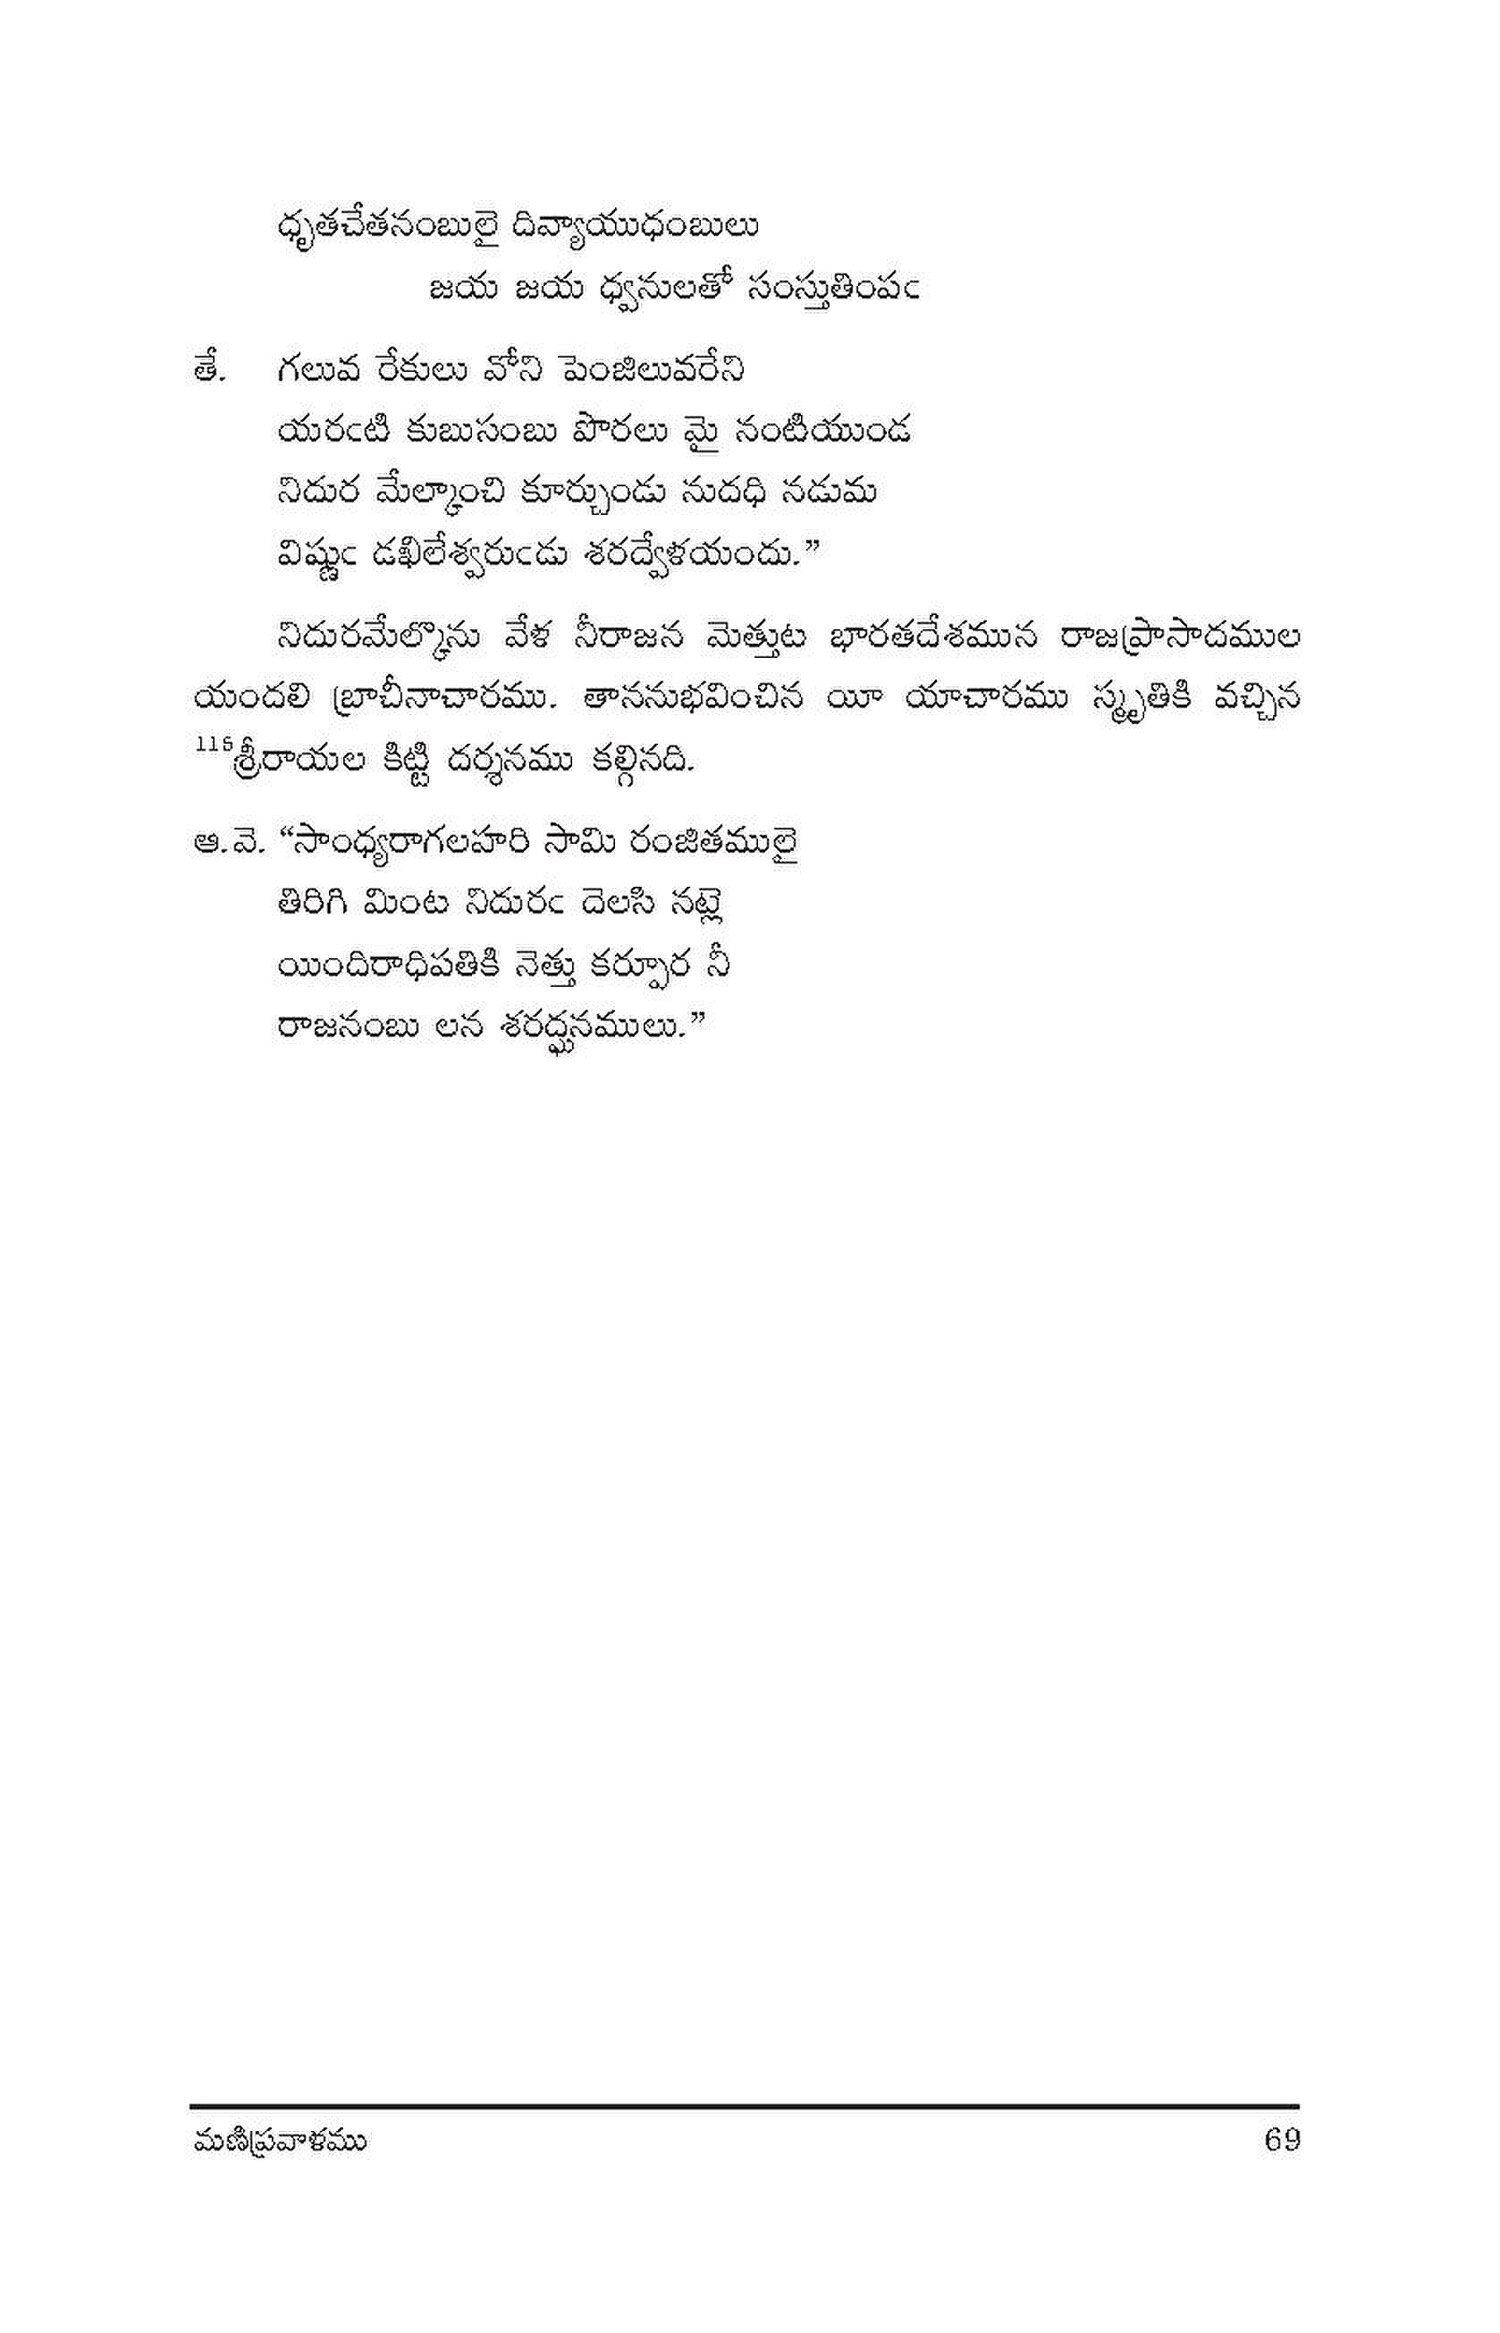ధృతచేతనంబులై దివ్యాయుధంబులు
 జయ జయ ధ్వనులతో సంస్తుతింపఁ

తే. గలువ రేకులు వోని పెంజిలువరేని
 యరఁటి కుబుసంబు పొరలు మై నంటియుండ
 నిదుర మేల్కాంచి కూర్చుండు నుదధి నడుమ
 విష్ణుఁ డఖిలేశ్వరుఁడు శరద్వేళయందు.”

నిదురమేల్కొను వేళ నీరాజన మెత్తుట భారతదేశమున రాజప్రాసాదముల
యందలి బ్రాచీనాచారము. తాననుభవించిన యీ యాచారము స్మృతికి వచ్చిన
శ్రీరాయల కిట్టి దర్శనము కల్గినది.

ఆ.వె. "సాంధ్యరాగలహరి సామి రంజితములై
 తిరిగి మింట నిదురఁ దెలసి నట్లె
 యిందిరాధిపతికి నెత్తు కర్పూర నీ
 రాజనంబు లన శరద్ధనములు.”